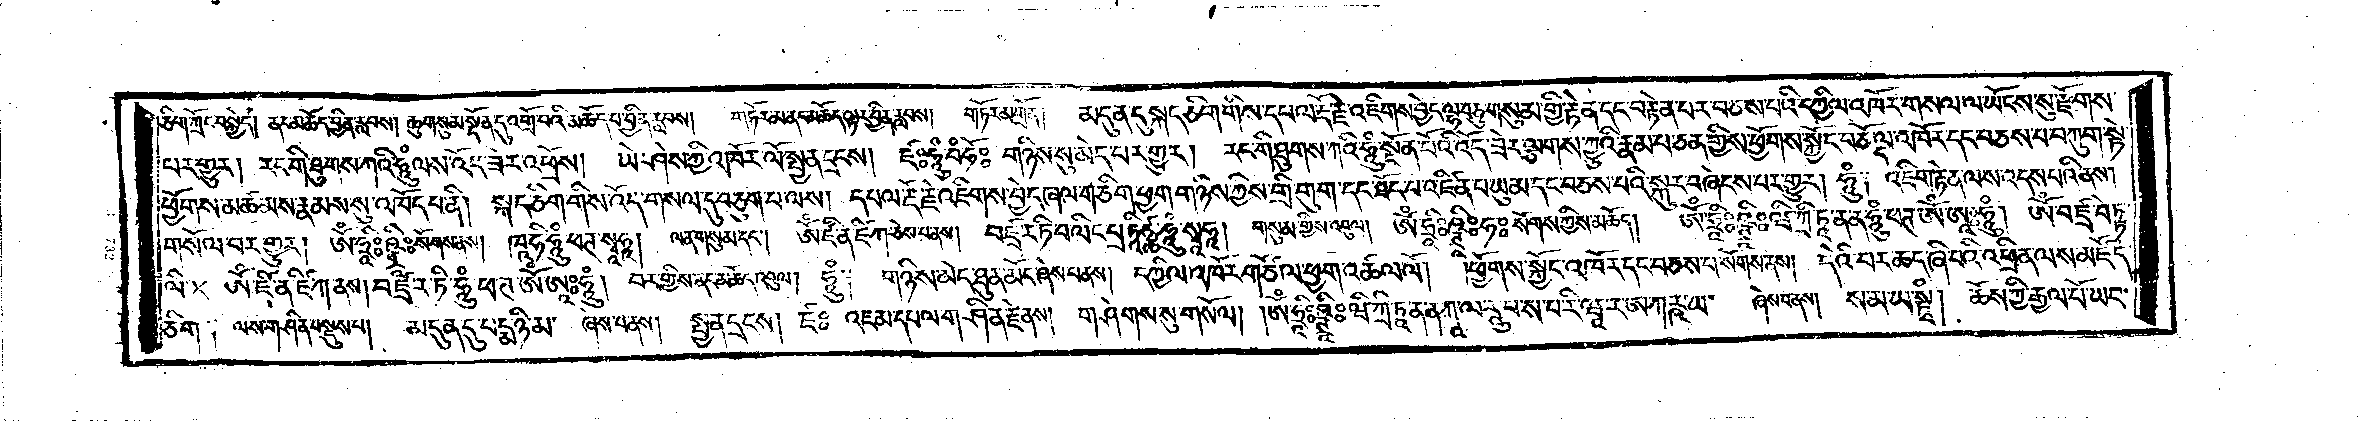ཅིག་ཀྲོང་བསྐྱེད། ནང་མཆོད་བྱིན་རླབས། ཆུ་གསུམ་སྔོན་དུ་འགྲོ་བའི་མཆོད་པ་བྱིན་རླབས། གཏོར་མ་ནང་མཆོད་ལྟར་བྱིན་རླབས། གཏོར་མགྲོན། མདུན་དུ་སྐད་ཅིག་གིས་དཔལ་རྡོ་རྗེ་འཇིགས་བྱེད་ལྷ་བཅུ་གསུམ་གྱི་རྟེན་དང་བརྟེན་པར་བཅས་པའི་དཀྱིལ་འཁོར་གསལ་ལ་ཡོངས་སུ་རྫོགས་
པར་གྱུར། རང་གི་ཐུགས་ཀའི་ཧཱུཾ་ལས་འོད་ཟེར་འཕྲོས། ཡེ་ཤེས་ཀྱི་འཁོར་ལོ་སྤྱན་དྲངས། ཛཿཧཱུཾ་བཾ་ཧོཿ གཉིས་སུ་མེད་པར་གྱུར། རང་གི་ཐུགས་ཀའི་ཧཱུཾ་སྔོན་པོའི་འོད་ཟེར་ལྕགས་ཀྱུའི་རྣམ་པ་ཅན་གྱིས་ཕྱོགས་སྐྱོང་བཅོ་ལྔ་འཁོར་དང་བཅས་པ་བཀུག་སྟེ་
ཕྱོགས་མཚམས་རྣམས་སུ་འཁོད་པ་ནི། སྐད་ཅིག་གིས་འོད་གསལ་དུ་བཅུག་པ་ལས། དཔལ་རྡོ་རྗེ་འཇིགས་བྱེད་ཞལ་གཅིག་ཕྱག་གཉིས་ཀྱིས་གྲི་གུག་དང་ཐོད་པ་འཛིན་པ་ཡུམ་དང་བཅས་པའི་སྐུར་བཞེངས་པར་གྱུར། ཧཱུཾ༑ འཇིག་རྟེན་ལས་འདས་པའི་ནས།
གསོལ་བར་གྱུར། ཨོཾ་ཧྲཱིཿཥྚྲཿསོགས་ནས། ཁཱ་ཧི་ཧཱུཾ་ཕཊ་སྭཱཧཱ། ལན་གསུམ་དང་།  ཨོཾ་ཛི་ན་ཛིཀ་ཅེས་པ་ནས། བཛྲ་ར་ཏི་བ་ལིང་པྲ་ཏཱིཙྪ་ཧཱུཾ་སྭཱཧཱ། གསུམ་གྱིས་འབུལ། ཨོཾ་ཧྲཱིཿཥྚཱིཿཧཿསོགས་ཀྱིས་མཆོད། ཨོཾ་ཧྲཱིཿཥྚཱིཿཝིཀྲི་ཏཱ་ན་ན་ཧཱུཾ་ཕཊ་ཨོཾ་ཨཱཿཧཱུཾ། ཨོཾ་བཛྲ་བེཏྟ་
ལི་྾་ཨོཾ་ཛི་ན་ཛི་ཀ་ནས། བཛྲ་ར་ཏི་ཧཱུཾ་ཕཊ་ཨོཾ་ཨཱཿཧཱུཾ། བར་གྱིས་ནང་མཆོད་འབུལ། ཧཱུཾ༑ གཉིས་མེད་ཐུན་མོང་ཞེས་པ་ནས། དཀྱིལ་འཁོར་གཙོ་ལ་ཕྱག་འཚལ་ལོ། །ཕྱོགས་སྐྱོང་འཁོར་དང་བཅས་པ་སོགས་ནས། དེའི་བར་ཆད་ཞི་བའི་འཕྲིན་ལས་མཛོད་
ཅིག༑ ལས་གཤིན་བསྡུས་པ། མདུན་དུ་པདམ་ཉི་མ་ཞེས་པ་ནས། སྤྱན་དྲངས། ཛཿ འཇམ་དཔལ་གཤིན་རྗེ་ནས། གཤེགས་སུ་གསོལ། །ཨོཾ་ཧྲཱིཿཥྚཱིཿ ཝི་ཀྲི་ཏཱ་ན་ན་ཀཱ་ལ་རཱུ་པས་པ་རི་ཝཱ་ར་ཨ་ཀ་རྵ་ཡ་ཞེས་པ་ནས། ས་མ་ཡ་སྟྭཱཾ། ཆོས་ཀྱི་རྒྱལ་པོ་ཡང་